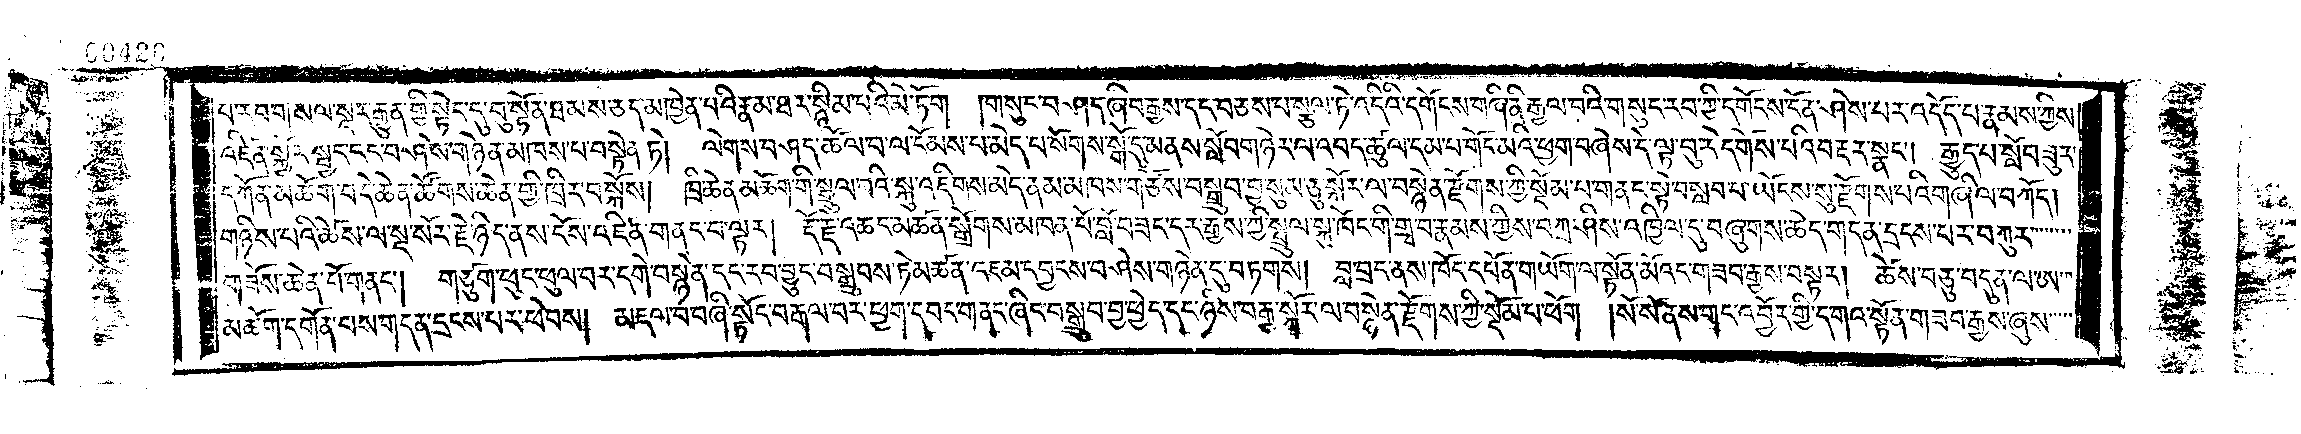པ་རབ་གསལ་སྔར་རྒྱུན་གྱི་སྟེང་དུ་བུ་སྟོན་ཐམས་ཅད་མཁྱེན་པའི་རྣམ་ཐར་སྙིམ་པའི་མེ་ཏོག །གསུང་བཤད་ཞིབ་རྒྱས་དང་བཅས་པ་སྩལ་ཏེ་འདིའི་དགོངས་གཞི་ནི་རྒྱལ་བའི་གསུང་རབ་ཀྱི་དགོངས་དོན་ཤེས་པར་འདོད་པ་རྣམས་ཀྱིས་
འཛིན་སྐྱེར་སྦྱང་དང་བཤེས་གཉེན་མཁས་པ་བསྟེན་ཏེ། ལེགས་བཤད་ཚོལ་བ་ལ་ངོམས་པ་མེད་པ་སོགས་སྒོ་དུ་མ་ནས་སློབ་གཉེར་ལ་འབད་ཚུལ་དམ་པ་གོང་མའི་ཕྱག་བཞེས་དེ་ལྟ་བུ་རེ་དགོས་པའི་བརྡར་སྣང་། རྒྱུད་པ་སློབ་ཟུང་
དཀོན་མཆོག་བདེ་ཆེན་ཚོགས་ཆེན་གྱི་ཁྲིར་བསྐོས། ཁྲི་ཆེན་མཆོག་གི་སྤྲུལ་པའི་སྐུ་འཇིགས་མེད་ནམ་མཁས་གཙོས་བསྒྲུབ་བྱ་སུམ་ཅུ་སྐོར་ལ་བསྙེན་རྫོགས་ཀྱི་སྡོམ་པ་གནང་སྟེ་བསླབ་པ་ཡོངས་སུ་རྫོགས་པའི་གཞི་ལ་བཀོད།
གཉིས་པའི་ཚེས་ལ་སྔ་སོར་རྗེ་ཉིད་ནས་ངོས་འཛིན་གནང་བ་ལྟར། རྡོ་རྗེ་འཆང་མཚན་སྒྲོགས་མཁན་པོ་བློ་བཟང་དར་རྒྱས་ཀྱི་སྤྲུལ་སྐུ་ཁོང་གི་གྲྭ་བ་རྣམས་ཀྱིས་བཀྲ་ཤིས་འཁྱིལ་དུ་བཞུགས་ཆེད་གདན་དྲངས་བར་བཀུར་
གཟོས་ཆེན་པོ་གནང་། གཙུག་ཕུད་ཕུལ་བར་དགེ་བསྙེན་དང་རབ་བྱུང་བསྒྲུབས་ཏེ་མཚན་འཇམ་དབྱངས་བཤེས་གཉེན་དུ་བཏགས། བླ་བྲང་ནས་ཁོང་དཔོན་གཡོག་ལ་སྟོན་མོའང་གཟབ་རྒྱས་བསྟར། ཚེས་བཅུ་བདུན་ལ་ཨ་
མཆོག་དགོན་པས་གདན་དྲངས་པར་ཕེབས། མཇལ་བ་བཞི་སྟོང་བརྒལ་བར་ཕྱག་དབང་གནང་ཞིང་བསྒྲུབ་བྱ་ཕྱེད་དང་ཉིས་བརྒྱ་སྐོར་ལ་བསྙེན་རྫོགས་ཀྱི་སྡོམ་པ་ཕོག །སོ་སོ་ནས་གང་འབྱོར་གྱི་དགའ་སྟོན་གཟབ་རྒྱས་ཞུས།